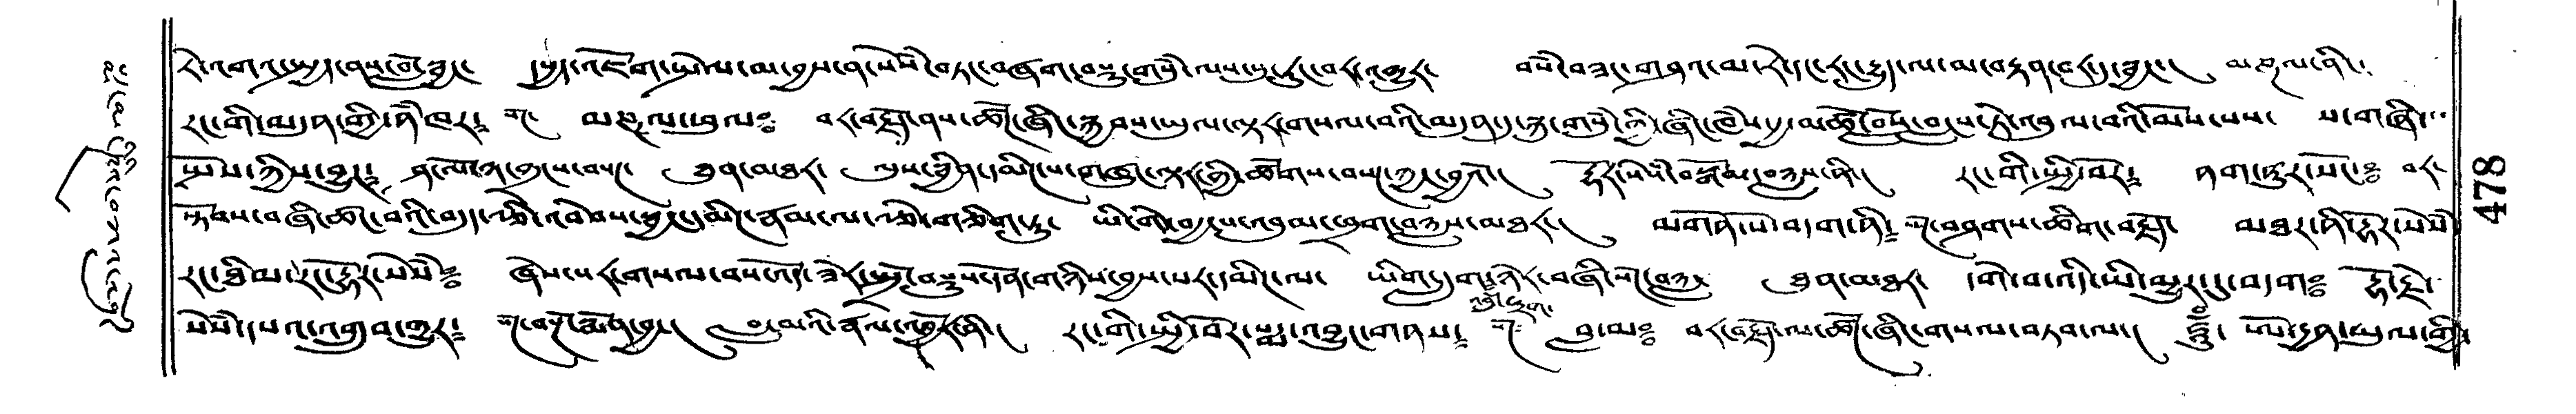རེ་འགར་དཔྱད་ནས་བློ་སྦྱང་། དཔྱད་འཇོག་སྤེལ་མ་བྱས་ན་སེམས་བཏང་བཞག་བསྡུ་གསུམ་ལས་སུ་རུང་བར་འགྱུར། བསམ་བཟང་གཤའ་མ་རེ་རང་རྒྱུད་ལ་མ་བརྟན་བར་དུ་སྦྱང་། མཎྜལ་ནི། 
རང་གི་མདུན་གྱི་ནམ་མཁར༴ སོགས། མཎྜལ་ཕུལ༔ བར་བརྗོད་ནས་ཚོགས་ཞིང་སྐྱབས་ཡུལ་ལྟར་གསལ་བའི་མདུན་དུ་སྐུ་གསུམ་གྱི་ཞིང་ཁམས་རྒྱ་མཚོ་བློས་བླངས་ཏེ་འབུལ་བའི་མོས་པས། ས་གཞི་
སྤོས་ཀྱིས་བྱུགས༴ ཤླཽ་ཀ་གྲངས་བསག ཐུན་མཐར། ལུས་སྦྱིན་དམིགས་པ་གཞུང་ལྟར་གྱི་ཚོགས་བསགས་ཀྱང་བྱའོ། རྡོར་སེམས་བསྒོམ་བཟླས་ནི། རང་གི་སྤྱི་བོར༴ ནག་ནུར་སོང་༔ བར་
སྟོབས་བཞི་ཚང་བའི་བདུད་རྩི་འབེབས་སྦྱང་དམིགས་རྣམ་ལ་རྩེ་གཅིག་གིས་ཡི་གེ་བརྒྱ་པ་འབུམ་ཕྲག་བཟླས་མཐར། མགོན་པོ་བདག་ནི༴ སོགས་བཤགས་ཚིག་བརྗོད། མཐར་ནི་རྡོར་སེམས་
རང་ཐིམ་རང་རྡོར་སེམས༔ ཞེས་པར་གསལ་བས་འོད་ཟེར་སྤྲོ་བསྡུས་དོན་གཉིས་བྱས་པར་དམིགས་ལ། ཡིག་དྲུག་འབུམ་ཕྲག་ཉེར་བཞི་སོགས་བཟླ། ཐུན་མཐར། དགེ་བ་འདི་ཡི་མྱུར་དུ་བདག༔ རྡོ་རྗེ་
སེམས་དཔའ་འགྲུབ་གྱུར༴ སོགས་བསྔོ་སྨོན་བྱ། བླ་མའི་རྣལ་འབྱོར་ནི། རང་གི་སྤྱི་བོར་པདྨ་འབྱུང་གནས༴ སོགས། བླ་མ༔ བར་བརྗོད་ནས་ཚོགས་ཞིང་གསལ་བཏབ་ལ། ཧཱུྃ། ཨོ་རྒྱན་ཡུལ་གྱི་